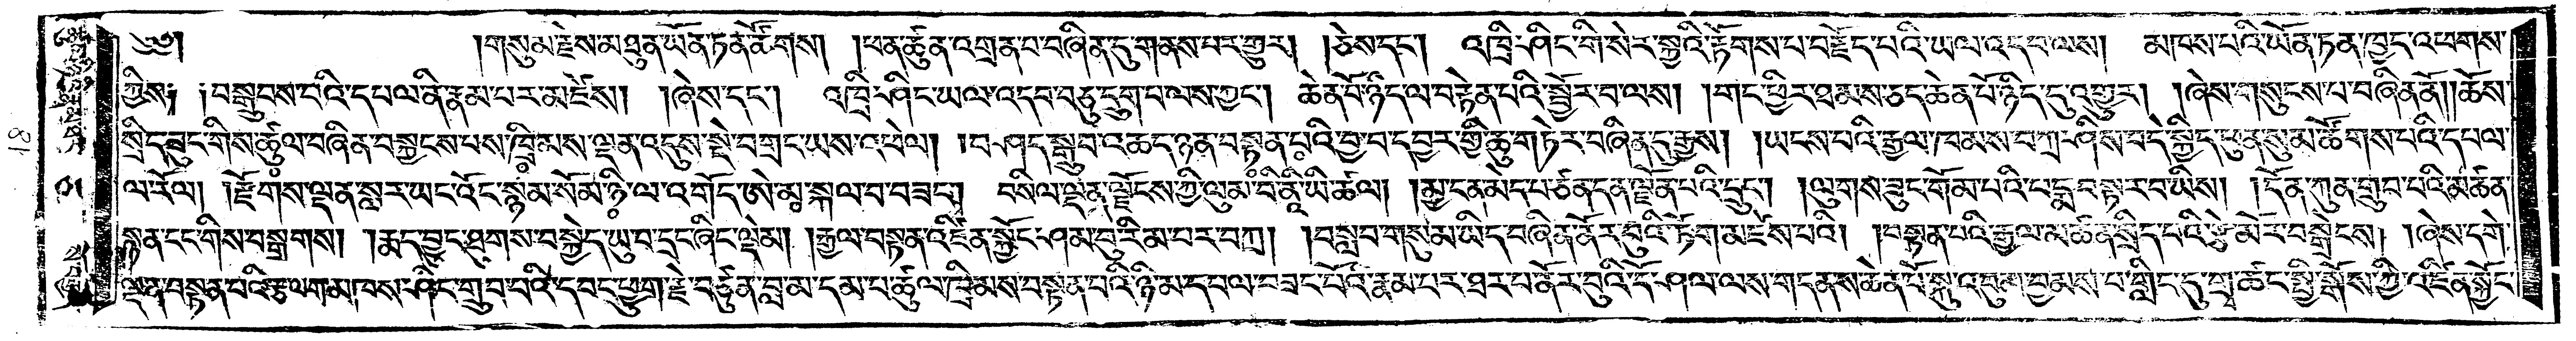༄༅། །གསུམ་རྗེས་མཐུན་ཡོན་ཏན་ཚོགས། །ཕན་ཚུན་འགྲན་བ་བཞིན་དུ་གནས་བར་གྱུར། །ཅེས་དང་། འཁྲི་ཤིང་གི་སེར་སྐྱའི་རྟོགས་པ་བརྗོད་པའི་ཡལ་འདབ་ལས། མཁས་པའི་ཡོན་ཏན་ཁྱད་འཕགས་
ཀྱིས༑ ༑བསྒྲུབས་བའི་དཔལ་ནི་རྣམ་པར་མཛེས། །ཞེས་དང་། འཁྲྭི་ཤིང་ཡལ་འདབ་བཅུ་དྲུག་པ་ལས་ཀྱང་། ཆེན་པོ་ཉིད་ལ་བརྟེན་པའི་སྦྱོར་བ་ལས། །གང་ཕྱིར་ཐམས་ཅད་ཆེན་པོ་ཉིད་དུ་འགྱུར། །ཞེས་གསུངས་པ་བཞིན་ནོ། །ཆོས་
སྲིད་ཟུང་གིས་ཚུལ་བཞིན་བསྐྱངས་པས་ཁྲིམས྾་ལྡན་འདུས་སྡེ་བགྲང་ཡས་འཕེལ། །བཤད་སྒྲུབ་འཆད་ཉན་བསྟན་པའི྾་བྱ་བ་དབྱར་གྱི་ཆུ་གཏེར་བཞིན་དུ་རྒྱས། །ཡངས་པའི་རྒྱལ་ཁམས་བཀྲ་ཤིས་བདེ་སྐྱིད་ཕུན་སུམ་ཚོགས་པའི་དཔལ་
ལ་རོལ། །རྫོགས་ལྡན་སླར་ཡང་འོང་སྙམ་སོམ་ཉི྾་ལ་འགོད་ཨེ་མ྾་སྐལ་བ་བཟང་། བསིལ་ལྡན་ལྗོངས་ཀྱི་ལུམ་བི་ནཱི་ཡི་ཚལ། །མྱ་ངན་མེད་པ་ཙན་དན་ལྗོན་པའི་དྲུང་། །ལུགས་ཟུང་གོམ་པའི་པདམ་བསྟར་འ་ཡིས། །དོན་ཀུན་གྲུབ་པའི་མཚན་
སྙན་དང་གིས་བསྒྲགས། །རྨད་བྱུང་ཐུགས་བསྐྱེད་ཡུབ་དྲང་ཞིང་ལྡེམ། །རྒྱལ་བསྟན་འཛིན་སྐྱོང་ཤམ་བུ་རིམ་པར་བཀྲ། །བསླབ་གསུམ་ཡིད་བཞིན་ནོར་བུའི་ཏོག་མཛེས་པའི། །བསྟན་པའི་རྒྱལ་མཚན་སྲིད་པའི་རྩེ་མོར་བསྒྲེངས། །ཞེས་དགེ་
ལྡན་བསྟན་པའི་རྩ་ལག་མཁས་ཤིང་གྲུབ་པའི་དབང་ཕྱུག་རྗེ་བཙུན་བླ་མ་དམ་པ་ཚུལ་ཁྲིམས་བསྟན་པའི་ཉི་མ་དཔལ་བཟང་པོའི་རྣམ་བར་ཐར་བ་ནོར་བུའི་དོ་ཤལ་ལས་གདན་ས་ཆེན་པོ་སྐུ་འབུམ་བྱམས་པ་གླིང་དུ་གྲྭ་ཚང་སྤྱི་སྒོས་ཀྱི་འཛིན་སྐྱོང་